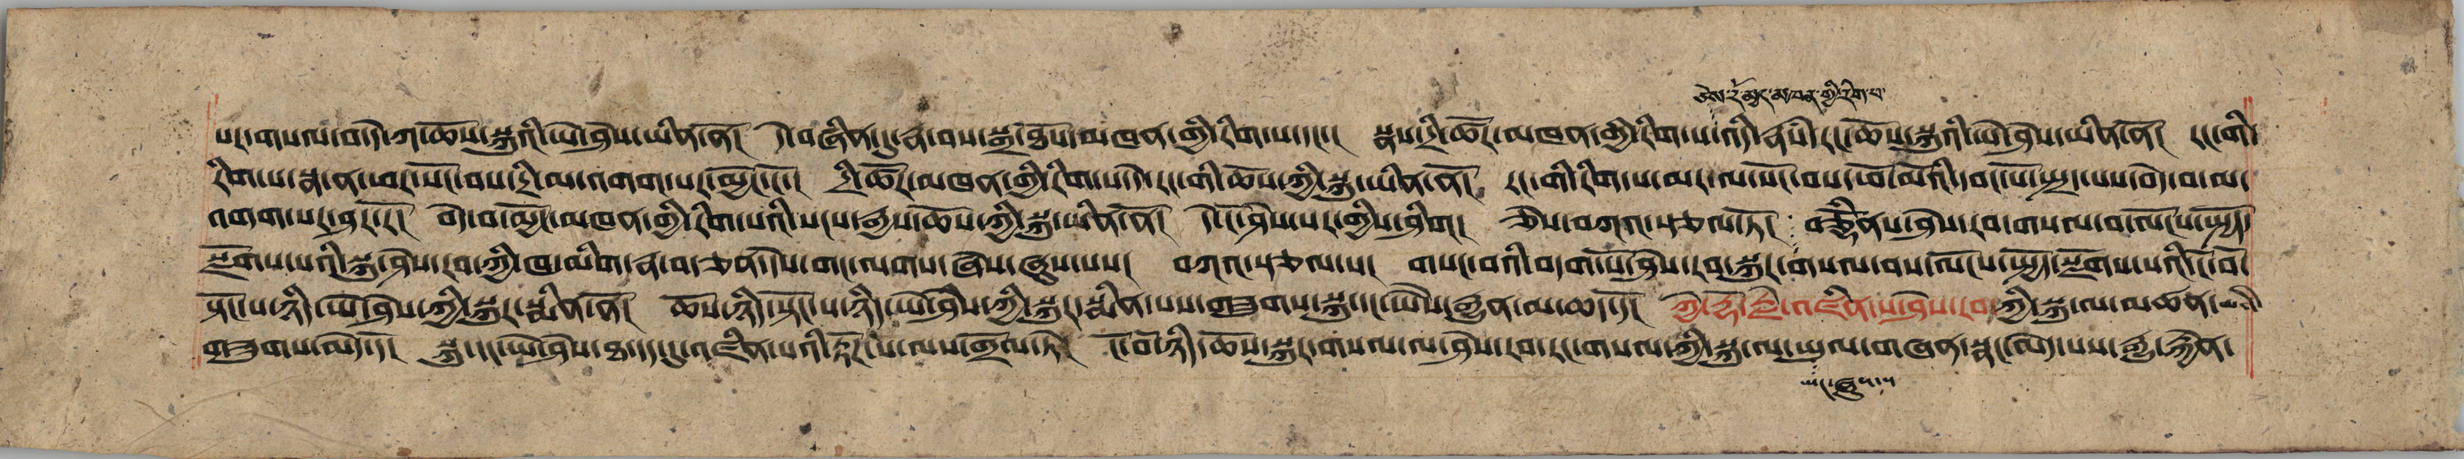པར་གསལ་བ་དེ་ཀ་ཆོས་སྐུའི་ཡེ་ཤེས་ཡིན་ནོ། དེ་བཞིན་དུ་རྣ་བས་སྒྲ་ཐོས་མཁན་གྱི་རིག་པ་དང་། སྣས་དྲི་ཚོར་མཁན་གྱི་རིག་པ་འདི་རྣཾས་རང་ཆོས་སྐུའི་ཡེ་ཤེས་ཡིན་ནོ། རང་གི་
རིག་པ་སྣ་ན་ཕར་སོང་བས་དྲི་མ་འགག་པར་མྱོང་ངོ་། དྲི་ཚོར་མཁན་གྱི་རིག་པ་དེ་རང་གི་ཆོས་ཀྱི་སྐུ་ཡིན་ནོ། རང་གི་རིག་པ་མར་ལ་སོང་བས་ཕོ་མོའི་དབང་པོ་སྤྲད་པས་བདེ་བ་ལ་
འགག་པར་ཤར་རོ། བདེ་བ་མྱོང་མཁན་གྱི་རིག་པའི་སངས་རྒྱས་ཀྱི་སྐུ་ཡིན་ནོ། དེ་ངོ་ཤེས་པར་གྱིས་ཤིག། ཅེས་བཀའ་སྩལ་ཏོ། བཅྡོཾནས་ཤེས་རབ་གསལ་བ་ལོངས་སྤྱོད་
སྫོགས་པའི་སྐུ་ཤེས་རབ་ཀྱྱི་ཁ་མིག་རྣ་བ་ཅན་དེས་གང་ལགས་ཞེས་ཞུས་པས། བཀའ་སྩལ་པ། གསང་བའི་བདག་པོ་ཤེས་རབ་སྐུར་གསལ་བས་ལོངས་སྤྱོད་སྫོགས་པའི་ངོ་བོ་
སྟོང་པ་ཉིད་ཡེ་ཤེས་ཀྱི་སྐུར་སྨིན་ནོ། ཆོས་ཉིད་སྟོང་པ་ཉིད་ཡེ་ཤེས་ཀྱི་སྐུར་སྨིན་པས་གཟུགས་སྐུ་དང་ཡཻས་རྒྱུན་མ་ཆད་དོ། ཀྱེ་རྡོ་རྗེ་འཛིན་པ་ཤེས་རབ་ཀྱི་སྐུ་ལ་མཚོན་མའི་
གཟུགས་མེད་དོ། སྐུ་དང་ཡེ་ཤེས་ཐ་དད་དུ་འཛིན་པའི་རྟོཌ་པ་ལས་གྲོལ་ཏེ། ངོ་བོ་ཉིད་ཆོས་སྐུར་གསལ་ལ་ཤེས་རབ་རང་གསལ་གྱི་སྐུ་ལ་ཡུལ་གཞན་སྣང་མེད་པས་རྒྱུ་རྐྱེན་